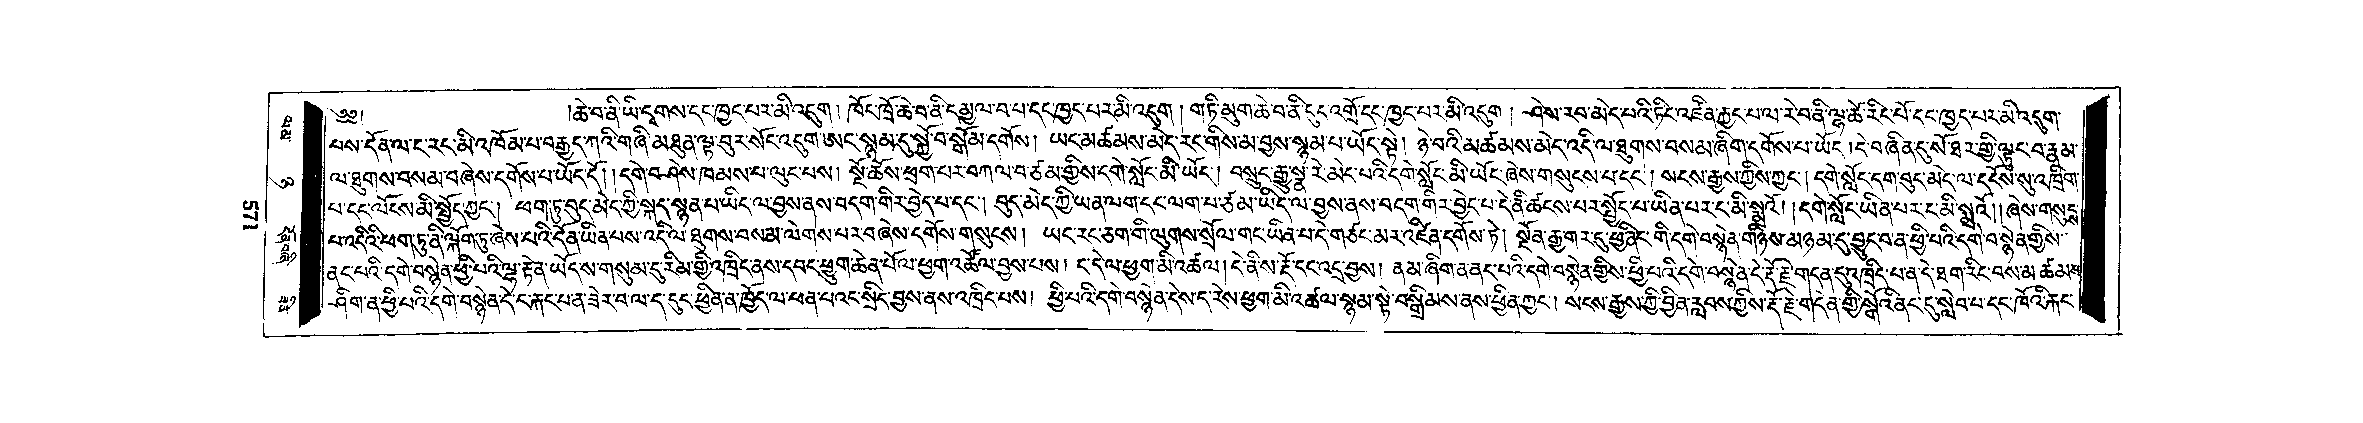༄༅། །ཆེ་བ་ནི་ཡི་དྭགས་དང་ཁྱད་པར་མི་འདུག །ཁོང་ཁྲོ་ཆེ་བ་ནི་དམྱལ་བ་པ་དང་ཁྱད་པར་མི་འདུག །གཏི་མུག་ཆེ་བ་ནི་དུད་འགྲོ་དང་ཁྱད་པར་མི་འདུག །ཤེས་རབ་མེད་པའི་ཏིང་འཛིན་རྐྱང་པ་ལ་རེ་བ་ནི་ལྷ་ཚེ་རིང་པོ་དང་ཁྱད་པར་མི་འདུག་
པས་དོན་ལ་ང་རང་མི་འཁོམ་པ་བརྒྱད་ཀའི་གཞི་མཐུན་ལྟ་བུར་སོང་འདུག་ཨང་སྙམ་དུ་སྐྱོ་བ་སྒོམ་དགོས། ཡང་མཚམས་མེད་རང་གིས་མ་བྱས་སྙམ་པ་ཡོད་སྟེ། ཉེ་བའི་མཚམས་མེད་འདི་ལ་ཐུགས་བསམ་ཞིག་དགོས་པ་ཡོད། དེ་བཞིན་དུ་སོ་ཐར་གྱི་ལྟུང་བ་རྣམ་
ལ་ཐུགས་བསམ་བཞེས་དགོས་པ་ཡོད་དོ། །དགེ་བཤེས་ཁམས་པ་ལུང་པས། སྔོ་ཆོས་ཕྲག་པར་བཀལ་བ་ཙམ་གྱིས་དགེ་སློང་མི་ཡོང་། བསྲུང་རྒྱུ་སྣ་རེ་མེད་པའི་དགེ་སློང་མི་ཡོང་ཞེས་གསུངས་པ་དང་། སངས་རྒྱས་ཀྱིས་ཀྱང་། དགེ་སློང་དག་བུད་མེད་ལ་དངོས་སུ་འཁྲིག་
པ་དང་ལོངས་མི་སྤྱོད་ཀྱང་། ཕག་ཏུ་བུད་མེད་ཀྱི་སྐད་སྙན་པ་ཡིད་ལ་བྱས་ནས་བདག་གིར་བྱེད་པ་དང་། བུད་མེད་ཀྱི་ཡན་ལག་དང་ལག་པ་ཙམ་ཡིད་ལ་བྱས་ནས་བདག་གིར་བྱེད་པ་དེ་ནི་ཚངས་པར་སྤྱོད་པ་ཡིན་པར་ང་མི་སྨྲའོ། །དགེ་སློང་ཡིན་པར་ང་མི་སྨྲའོ། །ཞེས་གསུངས་
པ་འདིའི་ཕག་ཏུ་ནི་ལྐོག་ཏུ་ཞེས་པའི་དོན་ཡིན་པས་འདི་ལ་ཐུགས་བསམ་ལེགས་པར་བཞེས་དགོས་གསུངས། ཡང་རང་ཅག་གི་ལུགས་སྲོལ་གང་ཡིན་པ་དེ་གཙང་མར་འཛིན་དགོས་ཏེ། སྔོན་རྒྱ་གར་དུ་ཕྱི་ནང་གི་དགེ་བསྙེན་གཉིས་མཉམ་དུ་བྱུང་བ་ན་ཕྱི་པའི་དགེ་བསྙེན་གྱིས་
ནང་པའི་དགེ་བསྙེན་ཕྱི་པའི་ལྷ་རྟེན་ཡོད་ས་གསུམ་དུ་རིམ་གྱི་འཁྲིད་ནས་དབང་ཕྱུག་ཆེན་པོ་ལ་ཕྱག་འཚོལ་བྱས་པས། ང་དེ་ལ་ཕྱག་མི་འཚལ། དེ་ནི་ས་རྡོ་དང་འདྲ་བྱས། ནམ་ཞིག་ན་ནང་པའི་དགེ་བསྙེན་གྱིས་ཕྱི་པའི་དགེ་བསྙེན་དེ་རྡོ་རྗེ་གདན་དུ་འཁྲིད་པ་ན་དེ་ཐག་རིང་བས་མ་ཚམས་
ཤིག་ན་ཕྱི་པའི་དགེ་བསྙེན་དེ་ང་རྐང་པ་ན་ཟེར་བ་ལ་ད་དུང་ཕྱིན་ན་ཁྱོད་ལ་ཕན་པའང་སྲིད་བྱས་ནས་འཁྲིད་པས། ཕྱི་པའི་དགེ་བསྙེན་དེས་ད་རེས་ཕྱག་མི་འཚལ་སྙམ་སྟེ་བསྒྲིམས་ནས་ཕྱིན་ཀྱང་། སངས་རྒྱས་ཀྱི་བྱིན་རླབས་ཀྱིས་རྡོ་རྗེ་གདེན་གྱི་སྒོའི་ནང་དུ་སླེབ་པ་དང་ཁོའི་རྐང་